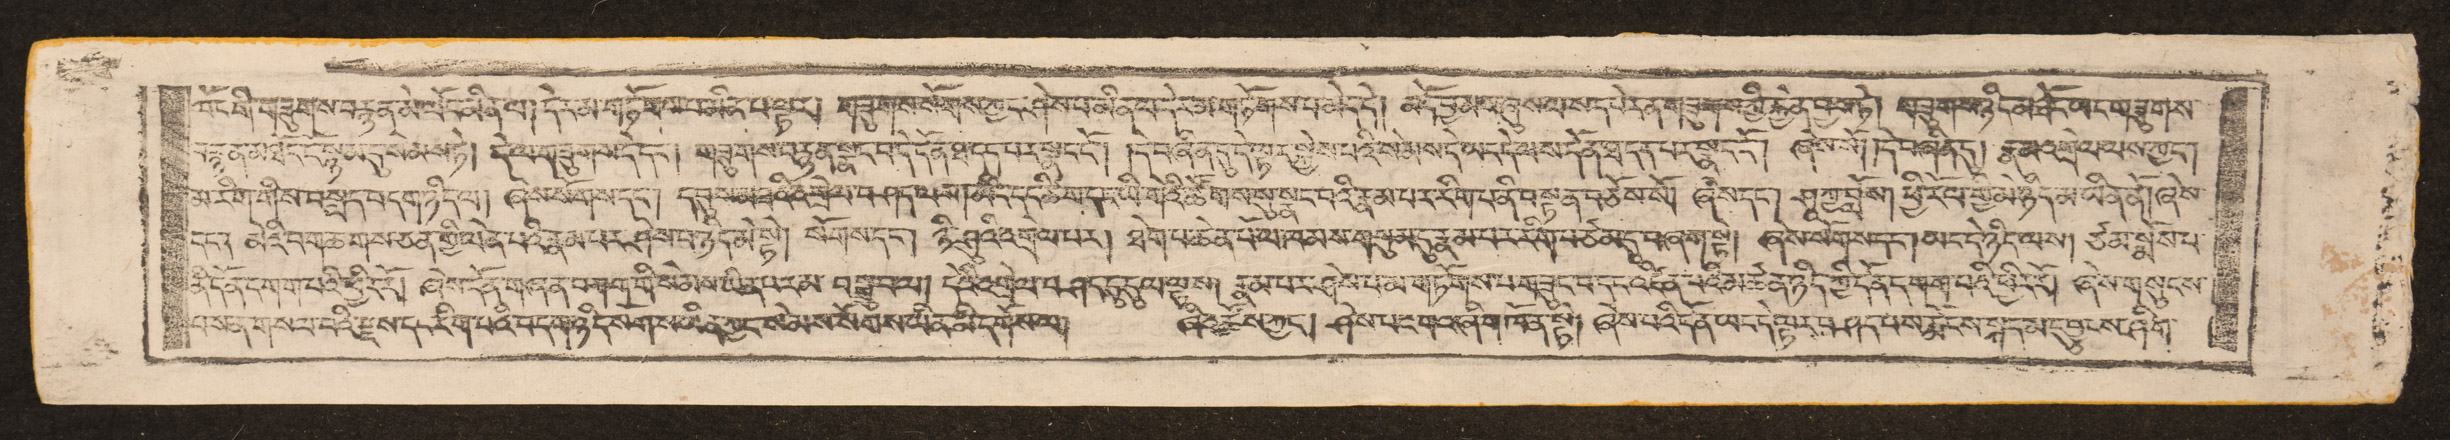ཁོང་གི་གཟུགས་བརྙན་མེ་ལོང་མིན་ལ། དེར་མ་གཏོགས་པ་མིན་པ་ལྟར། གཟུགས་?་སོགས་ཀྱང་ཤེས་པ་མིན་ལ་དེར་མ་གཏོགས་པ་མེད་དེ། མདོ་བྱམས་ཞུས་ལས་དཔེར་ན་གཟུགས་ཀྱི་རྐྱེན་བྱས་ཏེ། གཟུགས་ཉིད་མཐོང་ཡང་གཟུགས་
བརྙན་མཐོང་ངོ་སྙམ་དུ་སེམས་ཏེ། དེ་ལ་གཟུགས་དེ་དང་། གཟུགས་བརྙན་སྣང་བ་དེ་དོན་ཐ་དད་པར་སྣང་ངོ། དེ་བཞིན་དུ་དེ་ལྟར་སྐྱེས་པའི་སེམས་དེ་ཡང་དེ་ལས་དོན་ཐ་དད་པར་སྣང་ངོ། ཞེས་སོ། དེ་བཞིན་དུ། རྣམ་འགྲེལ་ལས་ཀྱང་།
མ་རིག་གིས་བསླད་བདག་ཉིད་ལ། ཞེས་སོགས་དང་། དབུས་མཐའི་འགྲེལ་བཤད་ལས། མིང་དང་ཚིག་དང་ཡི་གེའི་ཚོགས་སུ་སྣང་བའི་རྣམ་པར་རིག་པ་ནི་བསྟན་བཅོས་སོ། ཞེས་དང་། ཤཱཀྱ་སློས། ཕྱི་རོལ་ཀྱི་མེ་ཉིད་མ་ཡིན་
ནོ༑ ཞེས་དང་། མེའི་བག་ཆགས་ཅན་གྱི་ལེན་པའི་རྣམ་པར་ཤེས་པ་ཉིད་མེ་སྟེ། སོགས་དང་། ཉི་ཤུའི་འགྲེལ་བར། ཐེག་པ་ཆེན་པོ་ལ་ཁམས་གསུམ་དུ་རྣམ་པར་རིག་པ་ཙམ་དུ་བཞག་སྟེ། ཞེས་སོགས་དང་། ཡང་དེ་ཉིད་ལས། ཙམ་
སྨོས་པ་ནི་དོན་དགག་པའི་ཕྱིར་རོ། ཞེས་དོན་གཞན་བཀག་སེམས་ཡིན་པར་མ་བསྒྲུབ་ལ། དེའི་འགྲེལ་བཤད་དུ་དུ་ལ་ལྟས། རྣམ་པར་ཤེས་པ་མ་གཏོགས་པ་གཟུང་པ་དང་འཛིན་པའི་མཚན་ཉིད་ཀྱི་དོན་དགག་པའི་ཕྱིར་རོ། ཞེས་
གསུངས་པས་ནགས་ལ་པའི་རྫས་དང་རིགས་པའི་བདག་ཉིད་སོགས་ཡིན་ཀྱང་སེམས་སོགས་ཡིན་མི་དགོས་ལ། ཞིའི་ཚོས་ཀྱང་། ཤེས་པ་འགའ་ཞིག་ཁོ་ན་སྟེ། ཞེས་པའི་དོན་ཡང་དེ་ལྟར་བཤད་པས་རྨོངས་སྐད་མང་བྱུངས་ཤིག་